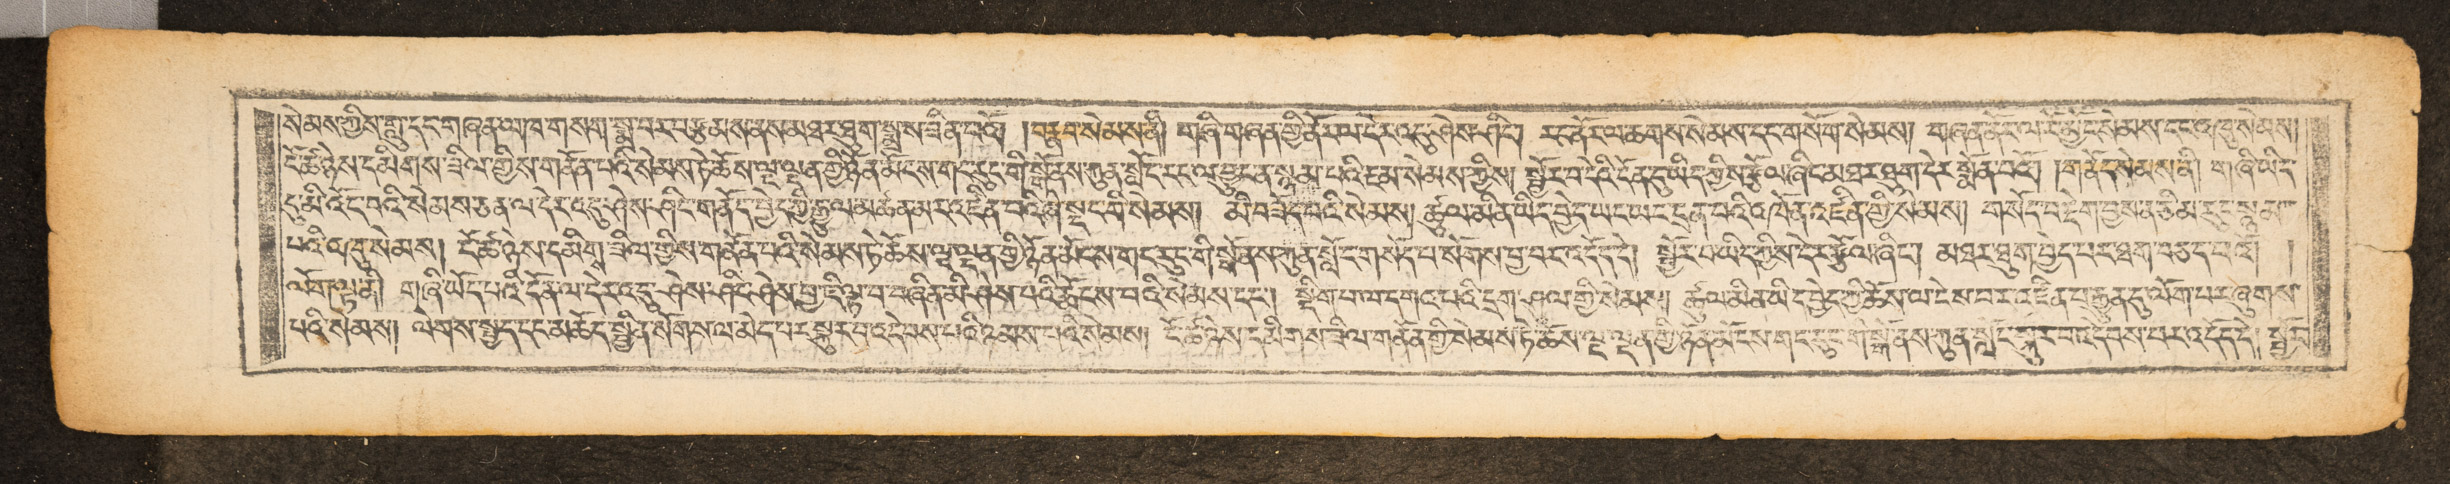སེམས་ཀྱིས་གླུ་དང་གཞན་ལ་ཁ་གསག་སྨྲ་བར་བརྩམས་ནས་མཐར་ཐུག་སྨྲས་ཟིན་པའོ། །བརྣབ་སེམས་ནི། གཞི་གཞན་གྱི་ནོར་ལ་དེར་འདུ་ཤེས་ཤིང་། རང་ནོར་ལ་ཆགས་སེམས་དང་གསོག་སེམས། གཞན་ནོར་ལ་རོ་མྱོང་སེམས་དང་འཁུ་སེམས།
ངོ་ཚ་ཉེས་དམིགས་ཟིལ་གྱིས་གནོན་པའི་སེམས་ཏེ་ཆོས་ལྔ་ལྡན་གྱི་ཉོན་མོངས་གང་རུང་གི་སྒོ་ནས་ཀུན་སློང་རང་ལ་བྱུང་ན་སྙམ་པའི་རྔམ་སེམས་ཀྱིས། སྦྱོར་བ་དེའི་དོན་དུ་ཡིད་ཀྱིས་རྩོལ་ཞིང་མཐར་ཐུག་དེར་སྨོན་པའོ། །གནོད་སེམས་ནི། གཞི་ཡིད་
དུ་མི་འོང་བའི་སེམས་ཅན་ལ་དེར་འདུ་ཤེས་ཤིང་གནོད་བྱེད་ཀྱི་རྒྱུ་ལ་མཚན་མར་འཛིན་པའི་ཞེ་སྡང་གི་སེམས། མི་བཟོད་བའི་སེམས། ཚུལ་མིན་ཡིད་བྱེད་ཡང་ཡང་དྲན་པའི་འཁོན་འཛིན་གྱི་སེམས། གསོད་བརྡེག་བྱས་ན་ཅི་མ་རུང་སྙམ་
པའི་འཁུ་སེམས། ངོ་ཚ་ཉེས་དམིགས་ཟིལ་གྱིས་གནོན་པའི་སེམས་ཏེ་ཆོས་ལྔ་ལྡན་གྱི་ཉོན་མོངས་གང་རུང་གི་སྒོ་ནས་ཀུན་སློང་གསོད་པ་སོགས་བྱ་བར་འདོད་དེ། སྦྱོར་བ་ཡིད་ཀྱིས་དེར་རྩོལ་ཞིང་། མཐར་ཐུག་བྱེད་པར་ཐག་བཅད་པའོ། །
ལོག་ལྟ་ནི། གཞི་ཡོད་པའི་དོན་ལ་དེར་འདུ་ཤེས་ཤིང་ཤེས་བྱ་ཇི་ལྟ་བ་བཞིན་མི་ཤེས་པའི་རྨོངས་པའི་སེམས་དང་། སྡིག་པ་ལ་དགའ་པའི་དྲག་ཤུལ་གྱི་སེམས། ཚུལ་མིན་ཡིད་བྱེད་ཀྱི་ཆོས་ལ་ངེས་པར་འཛིན་པ་རྒྱུན་དུ་ལོག་པར་ཞུགས་
པའི་སེམས། ལེགས་སྤྱད་དང་མཆོད་སྦྱིན་སོགས་ལ་མེད་པར་སྐུར་བ་འདེབས་པའི་ཉམས་པའི་སེམས། ངོ་ཚ་ཉེས་དམིགས་ཟིལ་གནོན་གྱི་སེམས་ཏེ་ཆོས་ལྔ་ལྡན་གྱི་ཉོན་མོངས་གང་རུང་གི་སྒོ་ནས་ཀུན་སློང་སྐུར་བ་འདེབས་པར་འདོད་དེ། སྦྱོར་